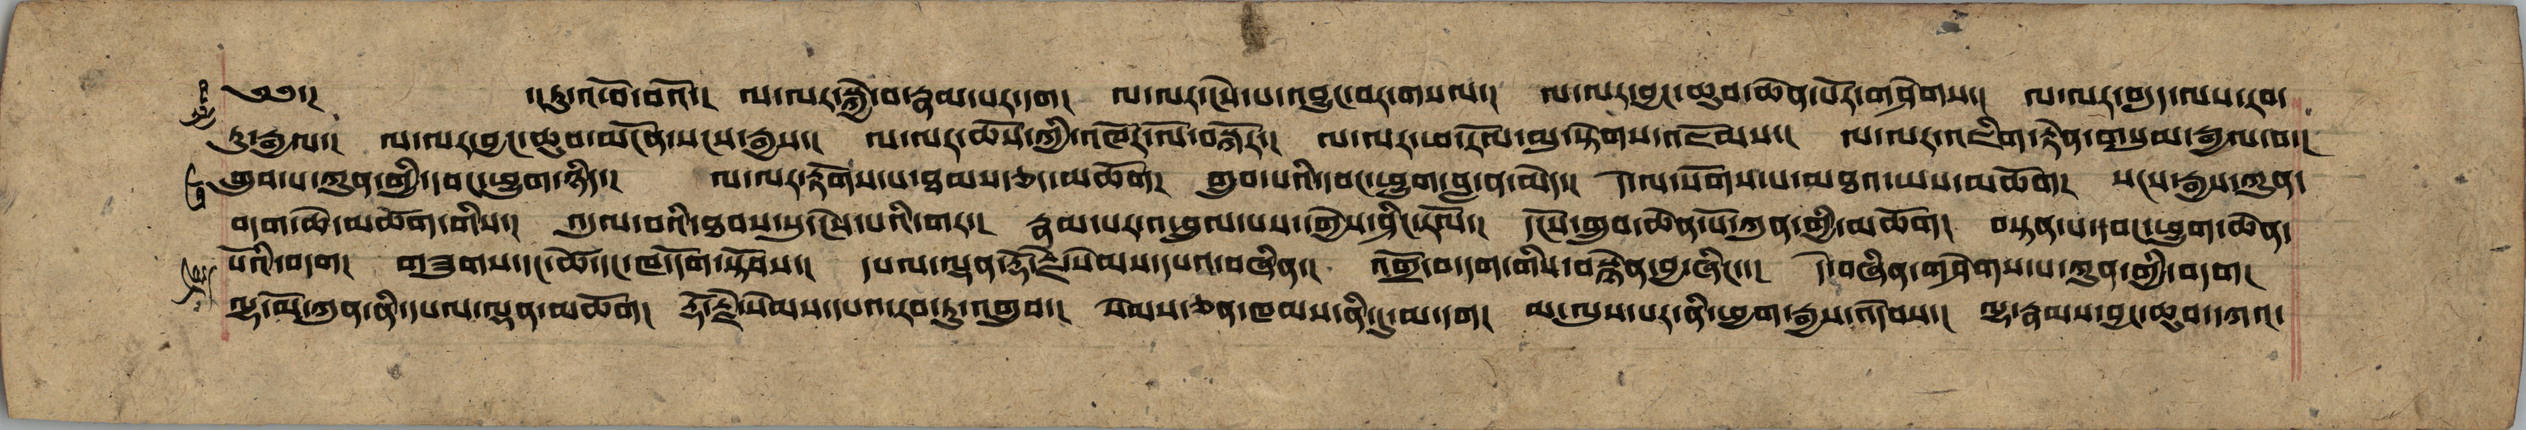༄༅་། ་།ཏུ་འཕོ་བའོ་། ལ་ལར་སྐྱེ་བ་རྣམ་པར་དག། ལ་ལར་ངེས་པ་འབྱུང་བར་གསལ་། ལ་ལར་བྱང་ཆུབ་ཆེན་པོར་གཤེགས་། ལ་ལར་བདུད་ལས་རབ་
ཏུ་རྒྱལ་། ལ་ལར་བྱང་ཆུབ་མངོན་སངས་རྒྱས་། ལ་ལར་ཆོས་ཀྱི་འཁོར་ལོ་བསྐོར་། ལ་ལར་ཕ་རོལ་མུ་སྟེགས་འཇོམས་། ལ་ལར་འཇིག་རྟེན་གསུམ་རྒྱལ་བ་།
གྲུབ་པ་ཀུན་གྱི་དབང་ཕྱུག་ཉིད་། ལ་ལར་རྟོགས་པ་ཐམས་ཅད་མཆོག། གྲུབ་པའི་དབང་ཕྱུག་བླ་ན་མེད་། དེ་ལ་སོགས་པ་མཐའ་ཡས་མཆོག། སངས་རྒྱས་ཀུན་
བདག་ཆེ་མཆོག་གིས་། འདུལ་བའི་ཐབས་སུ་ངེས་པའི་གར་། རྣམ་པར་འཕྲུལ་པས་དགྱེས་ཤིང་རོལ་། དངོས་གྲུབ་ཆེན་པོ་ཀུན་གྱི་མཆོག། བསྟན་པ་དབང་ཕྱུག་ཆེན་
པོའི་བདག། གཟུགས་དང་ཚེ་དང་ཁ་དོག་སྟོབས་། དཔལ་ལྡན་རྡོ་རྗེ་སེམས་དཔའ་བཞིན་། འགྲོ་བ་དག་གིས་བསྙེན་བྱ་ཞིང་་། དེ་བཞིན་གཤེགས་པ་ཀུན་གྱི་བདག།
ལྷ་མོ་ཀུན་ནི་དཔལ་ལྡན་མཆོག། རྡོ་རྗེ་སེམས་དཔའ་རབ་ཏུ་འགྲུབ་། སེམས་ཅན་ཁམས་ནི་དུ་མ་དག། མ་ལུས་པར་ནི་ཕྱག་རྒྱས་འདེབས་། ལྷ་རྣམས་བྱང་ཆུབ་དཀའ་